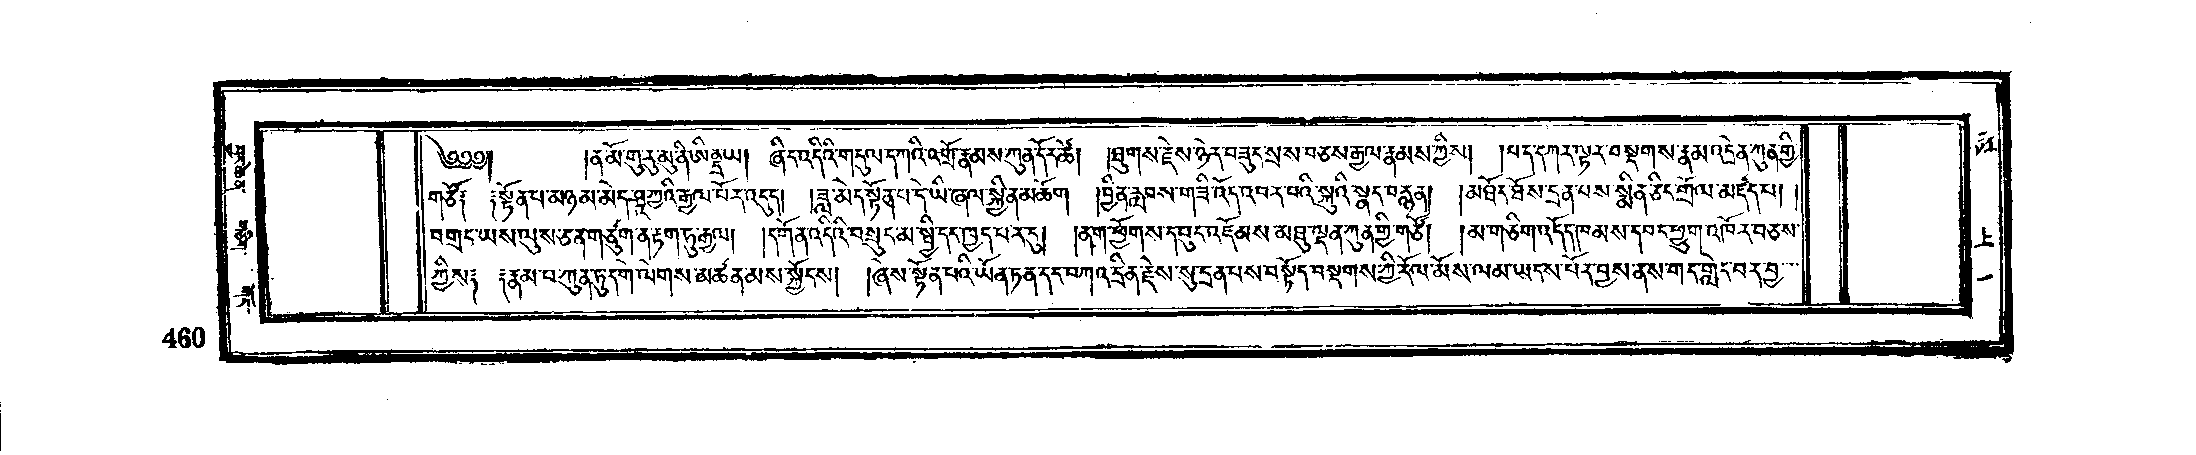༄༅༅། །ན་མོ་གུ་རུ་མུ་ནི་ཨིནྡྲ་ཡ། ཞིང་འདིའི་གདུལ་དཀའི་འགྲོ་རྣམས་ཀུན་དོར་ཚེ། །ཐུགས་རྗེས་ཉེར་བཟུང་སྲས་བཅས་རྒྱལ་རྣམས་ཀྱིས། །པད་དཀར་ལྟར་བསྔགས་རྣམ་འདྲེན་ཀུན་གྱི་
གཙོ༑ ༑སྟོན་པ་མཉམ་མེད་ཤཱཀྱའི་རྒྱལ་པོར་འདུད། །ཟླ་མེད་སྟོན་པ་དེ་ཡི་ཞལ་སྐྱིན་མཆོག །བྱིན་རླབས་གཟི་འོད་འབར་བའི་སྐུའི་སྣང་བརྙན། །མཐོང་ཐོས་དྲན་པས་སྨིན་ཅིང་གྲོལ་མཛད་པ། །
བགྲང་ཡས་ལུས་ཅན་གཙུག་ན་རྟག་ཏུ་རྒྱལ། །དགོན་འདིའི་བསྲུང་མ་སྤྱི་དང་ཁྱད་པར་དུ། །ནག་ཕྱོགས་དཔུང་འཇོམས་མཐུ་ལྡན་ཀུན་གྱི་གཙོ། །མ་གཅིག་འདོད་ཁམས་དབང་ཕྱུག་འཁོར་བཅས་
ཀྱིས༑ ༑རྣམ་པ་ཀུན་ཏུ་དགེ་ལེགས་མཚན་མས་སྐྱོངས། །ཞེས་སྟོན་པའི་ཡོན་ཏན་དང་བཀའ་དྲིན་རྗེས་སུ་དྲན་པས་བསྟོད་བསྔགས་ཀྱི་རོལ་མོས་ལམ་ཡངས་པོར་བྱས་ནས་གང་གླེང་བར་བྱ་